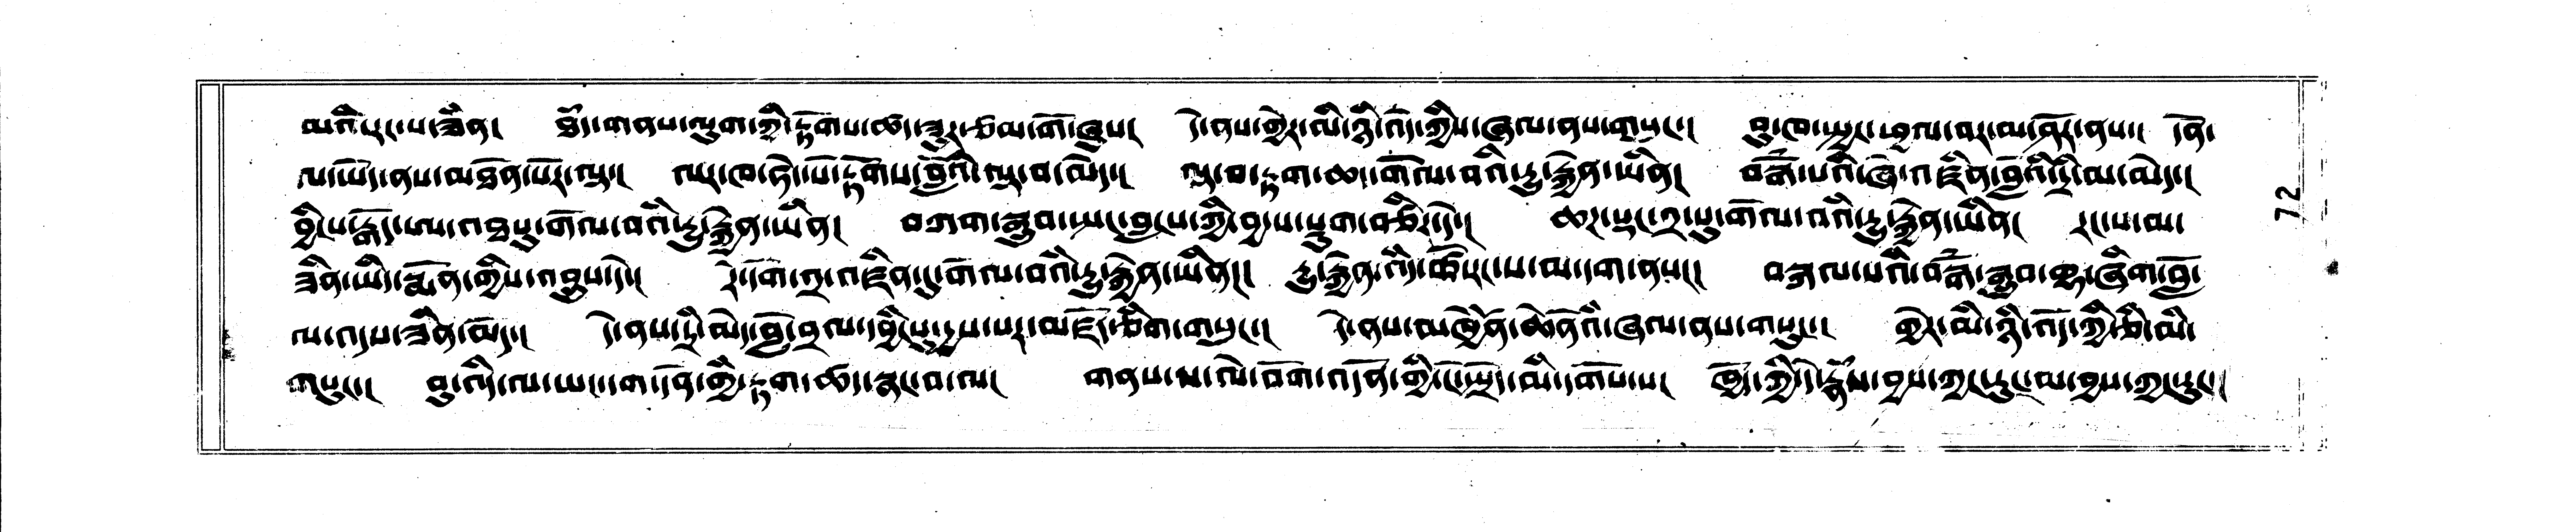མའི་རང་ས་ཟིན། ཐམས་ཅད་གནས་ལུགས་ཀྱི་རྟོགས་ཚད་ཟུར་ཙམ་གོ་ཞུས། དེ་ནས་གྱེར་མི་ཉི་འོད་ཀྱི་ཞལ་ནས་གསུང་། བུ་ཁ་སྤྱང་ཕྱལ་བར་མ་ཤོར་ནས། དོན་
ལ་ཡོད་ནས་མཐོན་པོར་ལྟ། ལར་ཁ་ཧེད་པོ་རྟོགས་བློའི་ལྟ་བ་མེད། ལྟ་བ་རྟག་ཆད་གོལ་བའི་རྒྱུ་རྐྱེན་ཡིན། བསྒོམ་པའི་ཞེ་འཛིན་བློའི་དྲི་མ་མེད། 
བྱིང་རྒོད་ཨ་འཐས་སུ་གོལ་བའི་རྒྱུ་རྐྱེན་ཡིན། བཀག་སྒྲུབ་སྤང་བླངས་ཀྱི་བྱ་བ་སྡུག་བཙིར་དེ། ཆགས་སྡང་གཉིས་སུ་གོལ་བའི་རྒྱུ་རྐྱེན་ཡིན། རང་ས་མ་
ཟིན་ཡིད་སྨོན་གྱིས་འབྲས་བུ་དེ། རེ་དོགས་གཉིས་འཛིན་དུ་གོལ་བའི་རྒྱུ་རྐྱེན་ཡིན། རྒྱུ་རྐྱེན་འདི་ཚེ་རང་ས་མ་དག་ནས། བསྐལ་པའི་བསྒོམ་སྒྲུབ་གྷ་༼འགའ༽ཞིག་བློ་
ལ་འདས་ཟིན་མེད། དེ་ནས་དྲི་མེད་བློ་བྲལ་དབྱིངས་སུ་རྒྱས་པར་མཛོད་ཅིག་གསུང་། དེ་ནས་མཁྱེན་བརྩེ་ཆེན་པོའི་ཞལ་ནས་གསུང་། གྱེར་མི་ཉི་འོད་ཀྱིས་ཅི་མི་
གསུང་། བུ་འདི་ལ་ཡང་དག་དོན་གྱི་རྟག་ཚད་སྣང་བ་ལ། གནས་ས་ལེ་བོག་འདོན་གྱི་ངོ་སྤྲོད་མི་དགོས་པ། ཁྱོད་ཀྱི་དེ་རྣམས་བྱས་ཀྱང་རུང་མ་བྱས་ཀྱང་རུང་